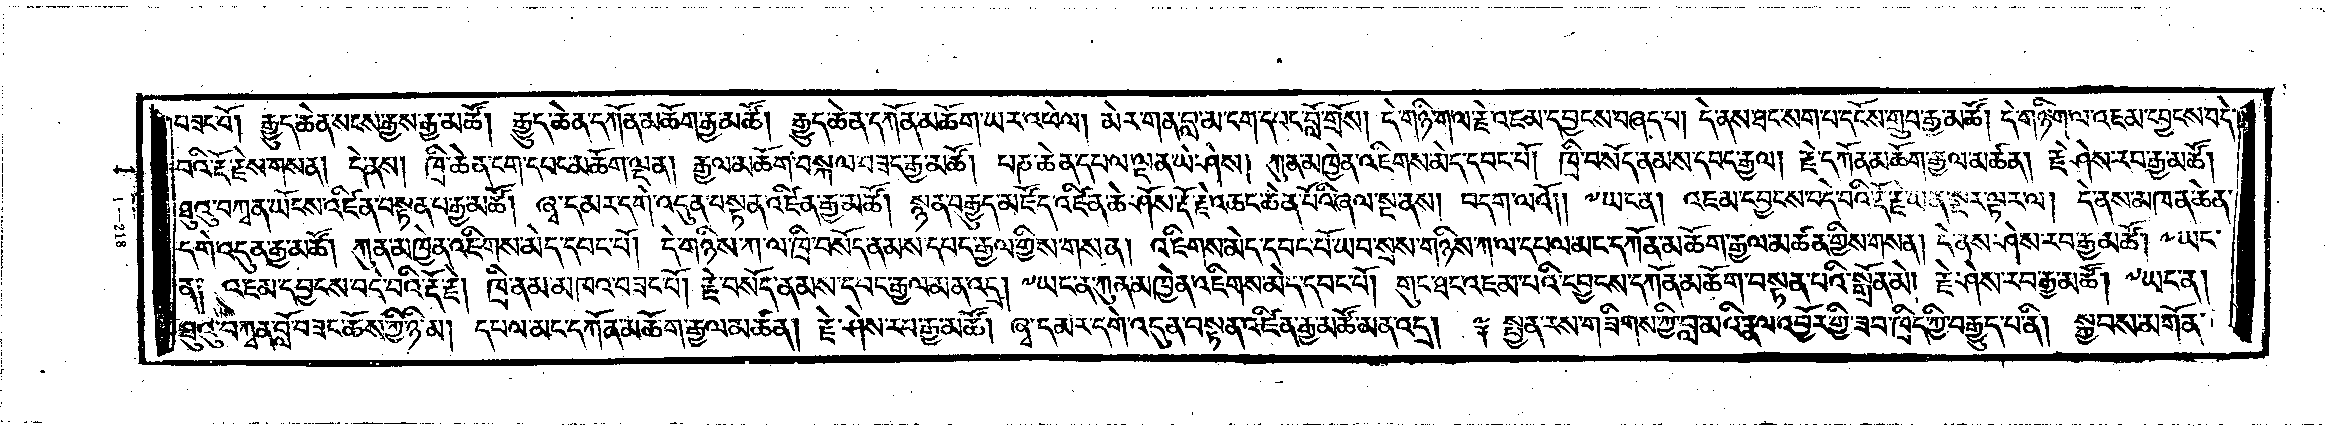བཟང་པོ། རྒྱུད་ཆེན་སངས་རྒྱས་རྒྱ་མཚོ། རྒྱུད་ཆེན་དཀོན་མཆོག་རྒྱ་མཚོ། རྒྱུད་ཆེན་དཀོན་མཆོག་ཡར་འཕེལ། མེར་གན་བླ་མ་ངག་དབང་བློ་གྲོས། དེ་གཉི་ག་ལ་རྗེ་འཇམ་དབྱངས་བཞད་པ། དེ་ནས་ཐང་སག་པ་དངོས་གྲུབ་རྒྱ་མཚོ། དེ་གཉི་ག་ལ་འཇམ་དབྱངས་བདེ་
བའི་རྡོ་རྗེས་གསན། དེ་ནས། ཁྲི་ཆེན་ངག་དབང་མཆོག་ལྡན། རྒྱལ་མཆོག་བསྐལ་བཟང་རྒྱ་མཚོ། པཎ་ཆེན་དཔལ་ལྡན་ཡེ་ཤེས། ཀུན་མཁྱེན་འཇིགས་མེད་དབང་པོ། ཁྲི་བསོད་ནམས་དབང་རྒྱལ། རྗེ་དཀོན་མཆོག་རྒྱལ་མཚན། རྗེ་ཤེས་རབ་རྒྱ་མཚོ།
ཐུའུ་བཀྭན་ཡོངས་འཛིན་བསྟན་པ་རྒྱ་མཚོ། ཞྭ་དམར་དགེ་འདུན་བསྟན་འཛིན་རྒྱ་མཚོ། སྙན་བརྒྱུད་མཛོད་འཛིན་ཆེ་ཤོས་རྡོ་རྗེ་འཆང་ཆེན་པོའི་ཞལ་སྔ་ནས། བདག་ལའོ།། ༧ཡང་ན། འཇམ་དབྱངས་བདེ་བའི་རྡོ་རྗེ་ཡན་སྔར་ལྟར་ལ། དེ་ནས་མཁན་ཆེན་
དགེ་འདུན་རྒྱ་མཚོ། ཀུན་མཁྱེན་འཇིགས་མེད་དབང་པོ། དེ་གཉིས་ཀ་ལ་ཁྲི་བསོད་ནམས་དབང་རྒྱལ་གྱིས་གསན། འཇིགས་མེད་དབང་པོ་ཡབ་སྲས་གཉིས་ཀ་ལ་དཔལ་མང་དཀོན་མཆོག་རྒྱལ་མཚན་གྱིས་གསན། དེ་ནས་ཤེས་རབ་རྒྱ་མཚོ། ༧ཡང་
ན༑ འཇམ་དབྱངས་བདེ་བའི་རྡོ་རྗེ། ཁྲི་ནམ་མཁའ་བཟང་པོ། རྗེ་བསོད་ནམས་དབང་རྒྱལ་མན་འདྲ། ༧ཡང་ན་ཀུན་མཁྱེན་འཇིགས་མེད་དབང་པོ། གུང་ཐང་འཇམ་པའི་དབྱངས་དཀོན་མཆོག་བསྟན་པའི་སྒྲོན་མེ། རྗེ་ཤེས་རབ་རྒྱ་མཚོ། ༧ཡང་ན།
ཐུའུ་བཀྭན་བློ་བཟང་ཆོས་ཀྱི་ཉི་མ། དཔལ་མང་དཀོན་མཆོག་རྒྱལ་མཚན། རྗེ་ཤེས་རབ་རྒྱ་མཚོ། ཞྭ་དམར་དགེ་འདུན་བསྟན་འཛིན་རྒྱ་མཚོ་མན་འདྲ། འ་སྤྱན་རས་གཟིགས་ཀྱི་བླ་མའི་རྣལ་འབྱོར་གྱི་ཟབ་ཁྲིད་ཀྱི་བརྒྱུད་པ་ནི། སྐྱབས་མགོན་